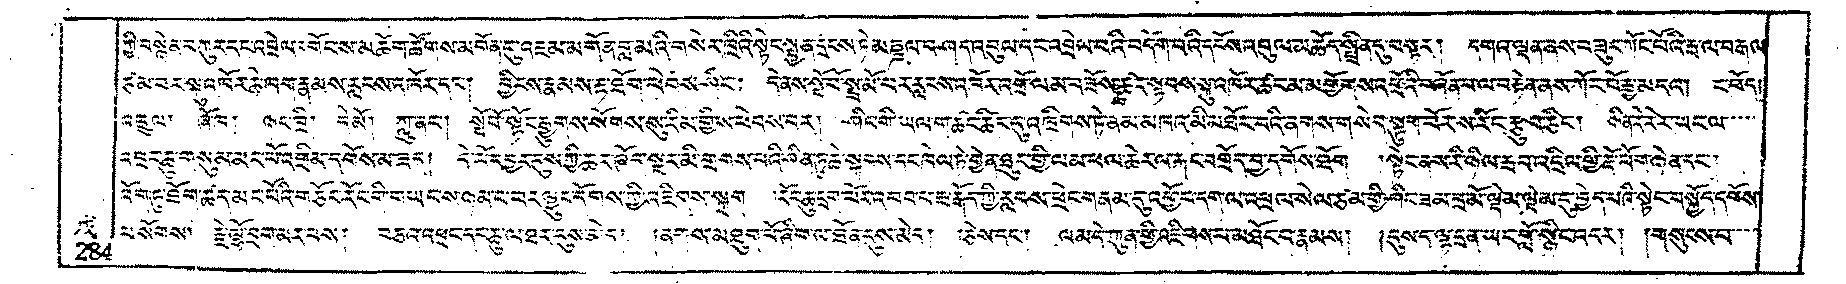ཀྱི་བསྙེན་བཀུར་དང་འབྲེལ་༧གོང་ས་མཆོག་ཚོགས་མགོན་དུ་འཇམ་མགོན་བླ་མའི་གསེར་ཁྲིའི་སྟེང་སྤྱན་དྲངས་ཏེ་མཎྜལ་བཤད་འབུལ་དང་འབྲེལ་བའི་བདོག་པའི་དངོས་འབུལ་མཆོད་སྤྲིན་དུ་བསྟར། དགའ་ལྡན་ནས་བཟུང་ཀོང་པོའི་རྦ་ལ་བརྒལ་
ཙམ་བར་སྐུ་འཁོར་ཆེ་ཁག་རྣམས་རླངས་འཁོར་དང་། བྱིངས་རྣམས་རྟ་ཐོག་ཕེབས་ཤིང་། དེ་ནས་སྤོ་བོ་སྤྲ་མོ་བར་རླངས་འཁོར་འགྲོ་ལམ་བཟོས་མཚར་སྟབས་སྐུ་འཁོར་ཚང་མ་མགྱོགས་འགྲོའི་བཞོན་པ་ལ་བརྟེན་ནས་ཀོང་པོ་རྒྱ་མདའ། ང་ཕོད།
འབྲུལ། ཞོ་ཁ། ཉང་ཁྲི། དེ་མོ། ཀླུ་ནང་། སྤོ་བོ་སྟོང་རྒྱུགས་སོགས་སུ་རིམ་གྱིས་ཕེབས་པར། ཤིང་གི་ཡལ་ག་ཚང་ཚིང་དུ་འཁྲིགས་ཏེ་ནམ་མཁའ་མི་མཐོང་བའི་ནགས་གསེབ་སྟུག་པོར་ས་རོང་རྩུབ་ཅིང་། ཉིན་རེ་རེར་ཡང་ལ་
འཕྲང་ཆུ་གསུམ་མང་པོ་འགྲིམ་དགོས་མ་ཟད། དེ་ལོ་དབྱར་དུས་ཀྱི་ཆར་ཞོད་སྔར་མི་གྲགས་པའི་ཤིན་ཏུ་ཆེ་སྐབས་དང་ཁེལ་ཏེ་གྱེན་ཐུར་གྱི་ལམ་ཕལ་ཆེར་ལ་རྐང་བགྲོད་བྱ་དགོས་ཐོག །སྟེང་ནས་རི་ཉིལ་རྦབ་འདྲིལ་གྱི་རྡོ་ཕོག་ཉེན་དང་།
འོག་ཏུ་ཐོག་ཚད་མང་པོའི་གཅོང་རོང་གི་གཡང་ས་ཉམ་ང་བར་ལྷུང་དོགས་ཀྱི་འཇིགས་སྐྲག །རོང་ཆུ་དྲག་པོར་འབབ་པ་རྦ་རྒོད་ཀྱི་རླབས་ཕྲེང་གནམ་དུ་འཕྱོ་བ་དག་ལ་འཕྲལ་སེལ་ཙམ་གྱི་ཤིང་ཟམ་ཕྲ་མོ་ལྡེམ་ལྡེམ་དུ་བྱེད་པའི་སྟེང་བསྐྱོད་དགོས་
པ་སོགས། རྗེ་ལྷོ་བྲག་མར་པས། བཅའ་འཕྲང་དང་ཆུ་ལ་ཐར་དུས་མེད། །ནགས་མཐུག་པོ་ཞིག་ལ་ཐོན་དུས་མེད། །ཅེས་དང་། ལམ་དེ་ཀུན་གྱི་འཇིགས་པ་མཐོང་བ་རྣམས། །དུས་ད་ལྟ་དྲན་ཡང་གློ་སྙིང་འདར། །གསུངས་པ་